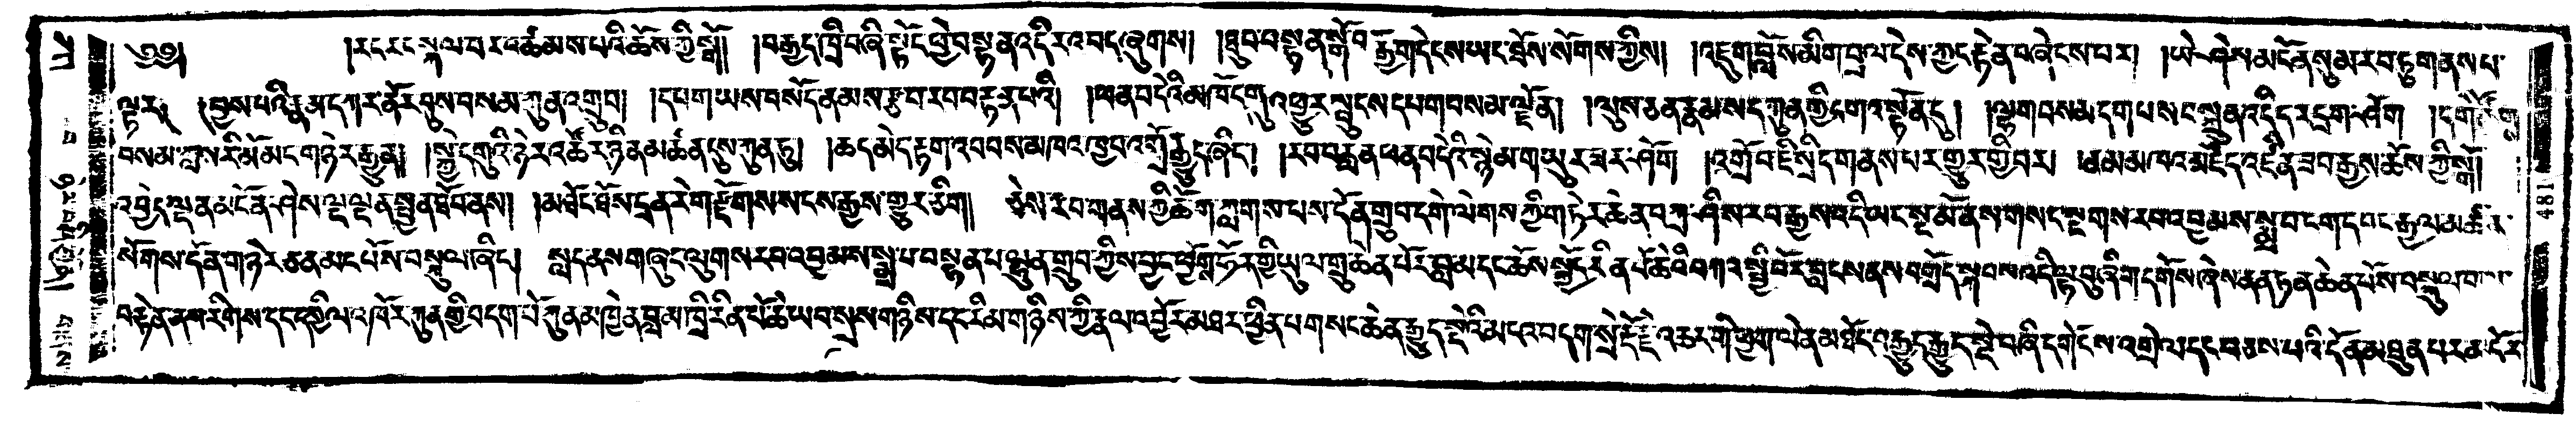༄༅། །རང་རང་སྐལ་བར་འཚམས་པའི་ཆོས་ཀྱི་སྒོ། །བརྒྱད་ཁྲི་བཞི་སྟོང་བྱེ་བསྟན་འདིར་འབད་ཞུགས། །ཐུབ་བསྟན་སྒོ་བརྒྱ་གདེངས་ཡང་ཐོས་སོགས་ཀྱིས། །འཇུག་བློས་མིག་བྲལ་དེས་ཀྱང་རྟེན་བཞེངས་པར། །ཡེ་ཤེས་མངོན་སུམ་རབ་ཏུ་གནས་པ་
ལྟར། །བྱས་པའི་རྣམ་དཀར་ནོར་བུས་བསམ་ཀུན་འགྲུབ། །དཔག་གཡས་བསོད་ནམས་རྩ་བར་བརྟན་པའི། །ཕན་བདེའི་མཁོ་དགུ་འཕྱུར་སྤུངས་དཔགས་བསམ་ལྗོན། །ལུས་ཅན་རྣམས་དཀུན་ཀྱི་དགའ་སྟོན་དུ། །ལྷག་བསམ་དག་པས་བསྐྲུན་འདིད་ར་དྲག་ཤོག །དགེ་ཚོགས་
བསམ་ཀླས་རི་མོ་མང་གཉེར་རྒྱུན། །སྐྱེ་དགུའི་ཉེར་འཚོར་ཉིན་མཚན་དུས་ཀུན་ཏུ། །ཆད་མེད་རྟག་འབབས་མཁའ་ཁྱབ་འགྲོ་རྒྱུད་ཞིང་། །རབ་བརླན་ཕན་བདེའི་སྙེམ་གཡུར་ཟར་ཤོག །འགྲོ་བ་ཇི་སྲིད་གནས་པར་གྱུར་གྱི་བར། །ནམ་མཁའ་མཛོད་འཛིན་ཟབ་རྒྱས་ཆོས་ཀྱི་སྒོ། །
འབྱེད་ལྡན་མངོན་ཤེས་ལྔ་ལྡན་སྤྱན་ཐོབ་ནས། །མཐོང་ཐོས་དྲན་རེག་རྫོགས་སངས་རྒྱས་གྱུར་ཅིག །སེམས་རབ་གནས་ཀྱི་ཆོ་ག་ཀླགས་པས་དོན་གྲུབ་དགེ་ལེགས་ཀྱི་གཏེར་ཆེན་བཀྲ་ཤིས་རབ་རྒྱས་དི་ཡང་སྔ་མོ་ནས་གསང་སྔགས་རབ་འབྱམས་སྨྲ་བ་ངག་དབང་རྒྱ་མཚོན་
སོགས་དོན་གཉེར་ཅན་མང་པོས་བསྐུལ་ཞིང་། སླད་ནས་གཞུང་ལུགས་རབ་འབྱམས་སྨྲ་པ་བསྟན་པ་ལྷུན་གྲུབ་ཀྱིས་བྱང་ཕྱོགས་ཧོར་གྱི་ཡུལ་གྲུ་ཆེན་པོར་བླ་མ་དང་ཆོས་སྐྱོང་རིན་པོ་ཆེའི་བཀའ་སྤྱི་བོར་བླངས་ནས་བགྲོད་སྐབས་འདི་ལྟ་བུ་ཞིག་དགོས་ཞེས་ནན་ཏན་ཆེན་པོས་བསྡུལ་བས་
བརྟེན་ནས་རིགས་དང་དཀྱིལ་འཁོར་ཀུན་གྱི་བདག་པོ་ཀུན་མཁྱེན་བླ་མ་ཁྲི་རིན་པོ་ཆེ་ལ་བསྲས་གཉིས་དང་རིམ་གཉིས་ཀྱི་རྣལ་འབྱོར་མཐར་ཕྱིན་པ་གསང་ཆེན་རྒྱུད་སྡེའི་མངའ་བདག་སྲེ་རྡོ་རྗེ་འཆར་གི་ཕྱག་ལེན་མཐོང་བརྒྱུད་རྒྱུད་སྡེ་བཞིན་དགོངས་འགྲོལ་དང་བཅས་པའི་དོན་མཐུན་པར་མདོར་